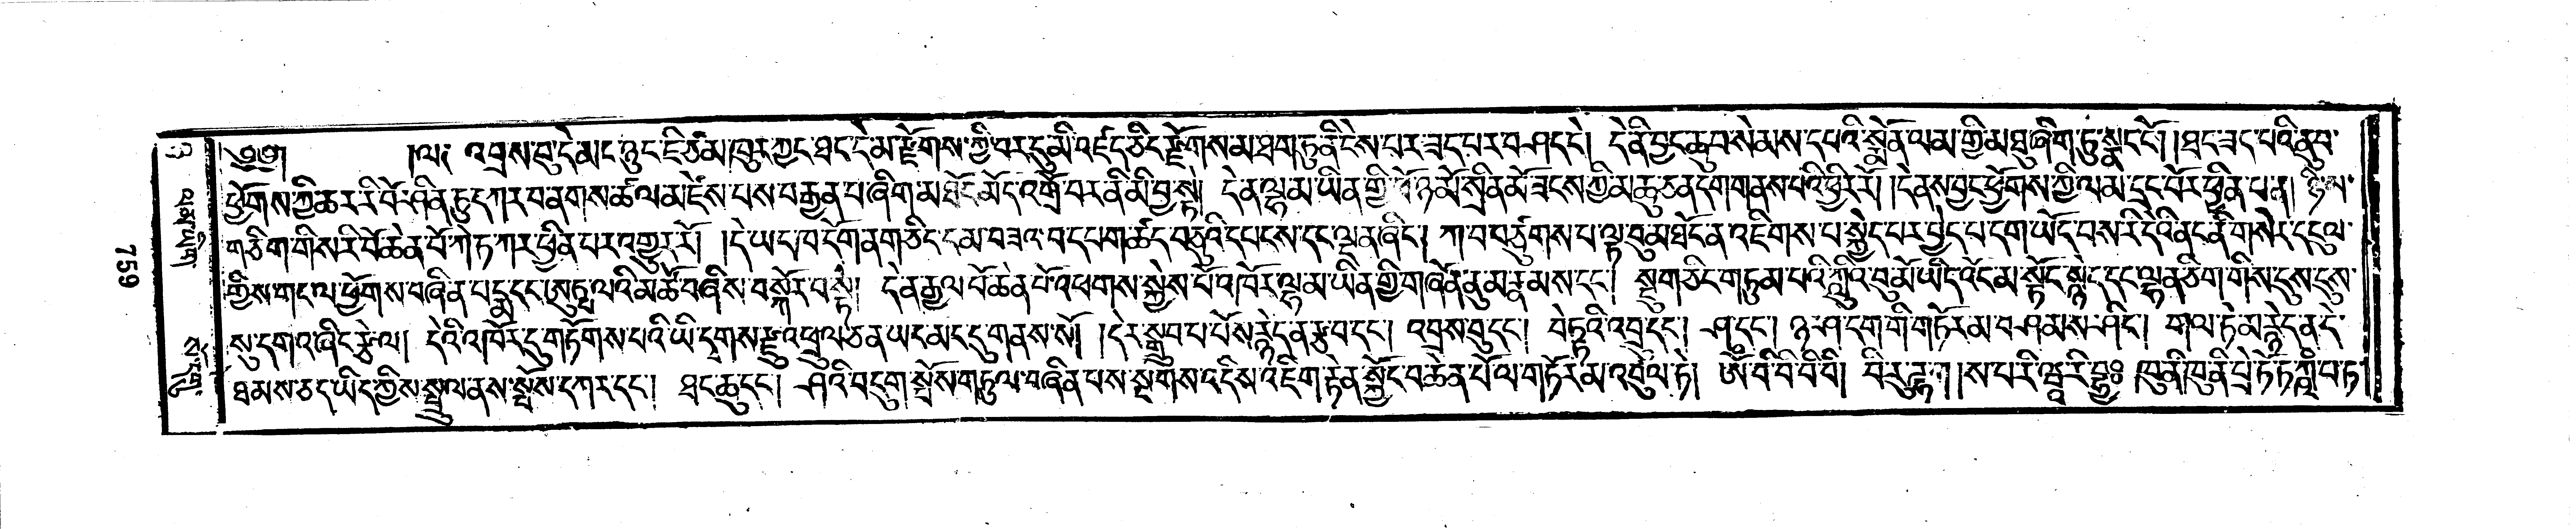༄༅། །ལ༑ འབྲས་བུ་དེ་མང་ཉུང་ཇི་ཙམ་ཁུར་ཀྱང་ཐང་དེ་མ་རྫོགས་ཀྱི་བར་དུ་མི་འཛད་ཅིང་རྫོགས་མ་ཐག་ཏུ་ནི་ངེས་པར་ཟད་པར་བཤད་དེ། དེ་ནི་བྱང་ཆུབ་སེམས་དཔའི་སྨོན་ལམ་གྱི་མཐུ་ཞིག་ཏུ་སྣང་ངོ། །ཐང་ཟད་པའི་ནུབ་
ཕྱོགས་ཀྱི་ཆར་རི་བོ་ཤིན་ཏུ་དཀར་བ་ནགས་ཚལ་མཛེས་པས་བརྒྱན་པ་ཞིག་མཐོང་མོད་འགྲོ་བར་ནི་མི་བྱ་སྟེ། དེ་ན་ལྷ་མ་ཡིན་གྱི་ཕོ་ཉ་མོ་སྲིན་མོ་ཟངས་ཀྱི་མཆུ་ཅན་དག་གནས་པའི་ཕྱིར་རོ། །དེ་ནས་བྱང་ཕྱོགས་ཀྱི་ལམ་དྲང་པོར་ཕྱིན་པ་ན། ཉི་མ་
གཅིག་གིས་རི་བོ་ཆེན་པོ་ཀེ་ཏ་ཀར་ཕྱིན་པར་འགྱུར་རོ། །དེ་ཡང་ཁ་དོག་ནག་ཅིང་ངམ་བཟའ་བ་དཔག་ཚད་བཅུའི་དཔངས་དང་ལྡན་ཞིང་། ཀ་བ་བཙུགས་པ་ལྟ་བུ་མཐོང་ན་འཇིགས་པ་སྐྱེད་པར་བྱེད་པ་དག་ཡོད་པས་རི་དེའི་ནང་ནི་གསེར་དངུལ་
གྱིས་གང་ལ་ཕྱོགས་བཞི་ན་པདམ་དང་ཨུཏྤ་ལའི་མཚོ་བཞིས་བསྐོར་བ་སྟེ། དེ་ན་རྒྱལ་པོ་ཆེན་པོ་འཕགས་སྐྱེས་པོ་འཁོར་ལྷ་མ་ཡིན་གྱི་གཞོན་ནུ་མ་རྣམས་དང་། སྡུག་ཅིང་གཏུམ་པའི་ཀླུའི་བུ་མོ་ཡིད་འོང་མ་སྟོང་སྙེད་དང་ལྷན་ཅིག་གིས་དུས་དུས་
སུ་དགའ་ཞིང་རྩེ་ལ། དེའི་འཁོར་དུ་གཏོགས་པའི་ཡི་དྭགས་རྫུ་འཕྲུལ་ཅན་ཡང་མང་དུ་གནས་སོ། །དེར་སྒྲུབ་པ་པོས་རྙེད་ན་རྩ་བ་དང་། འབྲས་བུ་དང་། བེཏྟའི་འབྲུ་དང་། ཤ་དང་། ཉ་ཤ་དག་གི་གཏོར་མ་བཤམས་ཤིང་། གལ་ཏེ་མ་རྙེད་ན་དེ་
ཐམས་ཅད་ཡིད་ཀྱིས་སྤྲུལ་ནས་སྤོས་དཀར་དང་། ཐང་ཆུ་དང་། ཤའི་བདུག་སྤོས་གཏུལ་བཞིན་པས་སྔགས་འདིས་འཇིག་རྟེན་སྐྱོང་བ་ཆེན་པོ་ལ་གཏོར་མ་འབུལ་ཏེ། ཨོཾ་བི་བི་བི་བི། བི་རུ་ཌྷ་ཀ། ས་པ་རི་ཝཱ་རི་བྷྱཿ ཁུ་ནི་ཁུ་ནི་པྲེ་ཏོ་ཏ་ཀྵཾ་པ་ཏ་